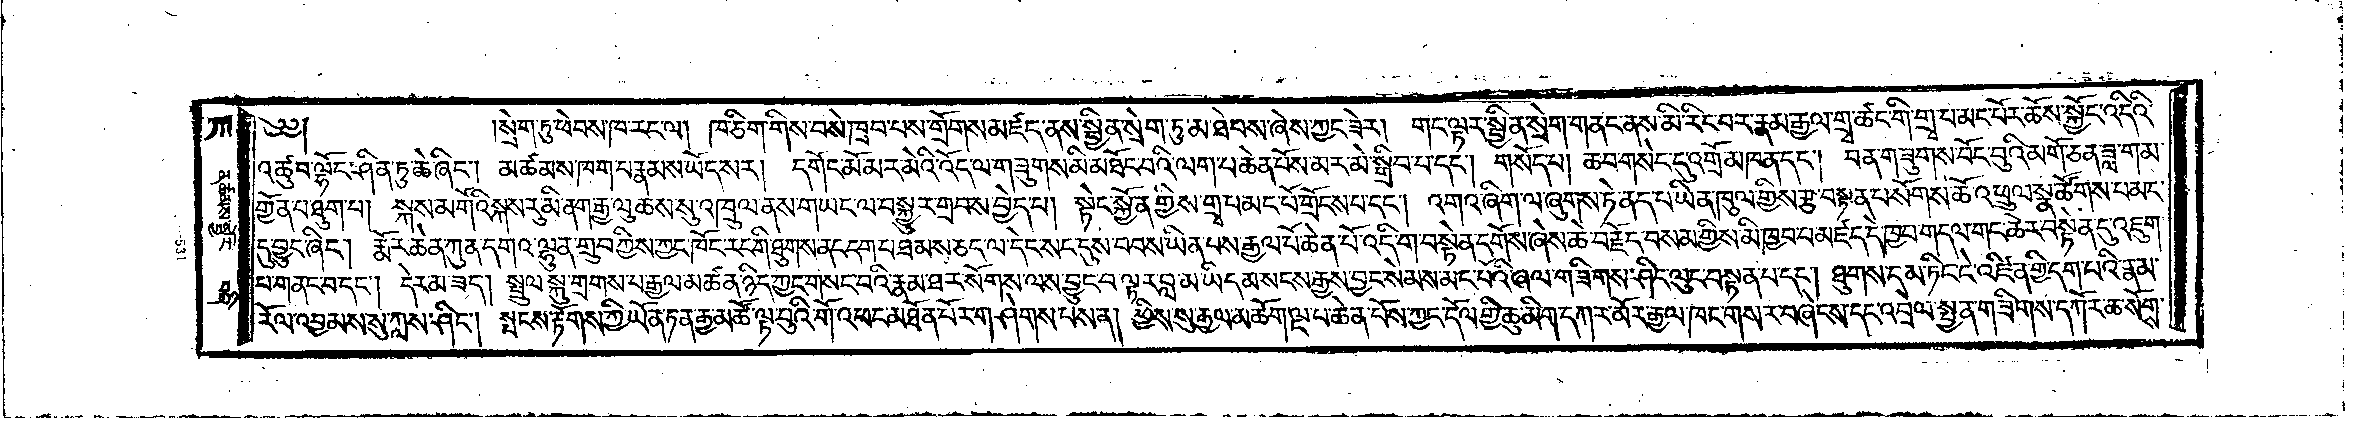༄༅། །སྲེག་ཏུ་ཕེབས་ཁ་རང་ལ། ཁ་ཅིག་གིས་བསེ་ཁྲབ་པས་གྲོགས་མཛད་ནས་སྦྱིན་སྲེག་ཏུ་མ་ཐེབས་ཞེས་ཀྱང་ཟེར། གང་ལྟར་སྦྱིན་སྲེག་གནང་ནས་མི་རིང་བར་རྣམ་རྒྱལ་གྲྭ་ཚང་གི་གྲྭ་པ་མང་པོར་ཆོས་སྐྱོང་འདིའི་
འཚུབ་ལྷོང་ཤིན་ཏུ་ཆེ་ཞིང་། མཚམས་ཁག་པ་རྣམས་ཡོད་སར། དགོང་མོ་མར་མེའི་འོད་ལ་གཟུགས་མི་མཐོང་བའི་ལག་པ་ཆེན་པོས་མར་མེ་སྒྲིབ་པ་དང་། གསོད་པ། ཆབ་གསེང་དུ་འགྲོ་མཁན་དང་། བན་གཟུགས་བོང་བུའི་མགོ་ཅན་ཟླ་གམ་
གྱོན་པ་ཐུག་པ། སྐས་མགོའི་སྐས་རུ་མི་ནག་རྒྱ་ལུ་ཆས་སུ་འཁྲུལ་ནས་གཡང་ལ་བསྐྱུར་གྲབས་བྱེད་པ། སྟེང་སྐྱོན་གྱིས་གྲྭ་པ་མང་པོ་གྲོངས་པ་དང་། འགའ་ཞིག་ལ་ཞུགས་ཏེ་ནད་པ་ཡིན་ཁུལ་གྱིས་རྩ་བསྟན་པ་སོགས་ཆོ་འཕྲུལ་སྣ་ཚོགས་པ་མང་
དུ་བྱུང་ཞིང་། རྨོར་ཆེན་ཀུན་དགའ་ལྷུན་གྲུབ་ཀྱིས་ཀྱང་ཁོང་རང་གི་ཐུགས་ནང་དག་པ་ཐམས་ཅད་ལ་དེང་སང་དུས་བབས་ཡིན་པས་རྒྱལ་པོ་ཆེན་པོ་འདི་ག་བསྟེན་དགོས་ཞེས་ཆེ་བརྗོད་བསམ་གྱིས་མི་ཁྱབ་པ་མཛད་དེ་ཁྱབ་གདལ་གང་ཆེར་བསྟེན་དུ་འཇུག་
པ་གནང་བ་དང་། དེར་མ་ཟད། སྤྲུལ་སྐུ་གྲགས་པ་རྒྱལ་མཚན་ཉིད་ཀྱང་གསང་བའི་རྣམ་ཐར་སོགས་ལས་བྱུང་བ་ལྟར་བླ་མ་ཡི་དམ་སངས་རྒྱས་བྱང་སེམས་མང་པོའི་ཞལ་གཟིགས་ཤིང་ལུང་བསྟན་པ་དང་། ཐུགས་ད་མ་ཏིང་ངེ་འཛིན་གྱི་དག་པའི་རྣམ་
རོལ་འབྱམས་སུ་ཀླས་ཤིང་། སྤངས་རྟོགས་ཀྱི་ཡོན་ཏན་རྒྱ་མཚོ་ལྟ་བུའི་གོ་འཕང་མཐོན་པོར་གཤེགས་བས་ན། ཕྱིས་སུ་རྒྱལ་མཆོག་ལྔ་པ་ཆེན་པོས་ཀྱང་དོལ་གྱི་ཆུ་མིག་དཀར་མོར་རྒྱལ་ཁང་གསར་བཞེངས་དང་འབྲེལ་སྤྱན་གཟིགས་དཀོར་ཆ་སོགས་